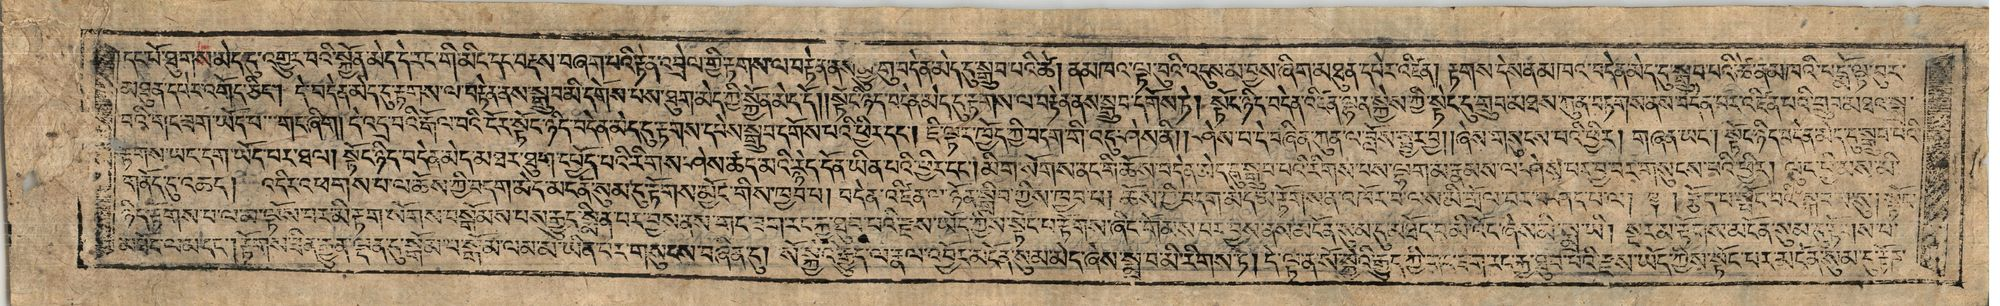དང་པོ་ཐུག་མེད་དུ་འགྱུར་བའི་སྐྱོན་མེད་དེ་རང་གི་མིང་དང་བརྡས་བཞག་པའི་རྟེན་འབྲེལ་གྱི་རྟགས་ལ་བརྟེན་ནས་མྱུ་གུ་བདེན་མེད་དུ་སྒྲུབ་པའི་ཚེ། ནམ་མཁའ་ལྟ་བུའི་འདུས་མ་བྱས་ཞིག་མཐུན་དཔེར་འཛིན། རྟགས་དེས་ནམ་མཁའ་བདེན་མེད་དུ་སྒྲུབ་པའི་ཚེ་ནམ་མཁའི་པདམོ་ལྟ་བུར་
མཐུན་དཔེར་འགོད་ཅིང་། དེ་བདེན་མེད་དུ་རྟགས་ལ་བརྟེན་ནས་སྒྲུབ་མི་དགོས་པས་ཐུག་མེད་ཀྱི་སྐྱོན་མེད་དོ། །སྟོང་ཉིད་བདེན་མེད་དུ་རྟགས་ལ་བརྟེན་ནས་སྒྲུབ་དགོས་ཏེ། སྟོང་ཉིད་བདེན་འཛིན་ལྷན་སྐྱེས་ཀྱི་སྟེང་དུ་གྲུབ་མཐས་ཀུན་བཏགས་ནས་བདེན་པར་འཛིན་པའི་གྲུབ་མཐའ་སྨྲ་
བའི་གང་ཟག་ཡོད་པ་གང་ཞིག ། དེ་འདྲ་བའི་རྒོལ་བའི་ངོར་སྟོང་ཉིད་བདེན་མེད་དུ་རྟགས་དཔེས་སྒྲུབ་དགོས་པའི་ཕྱིར་དང་། ཇི་ལྟར་ཁྱོད་ཀྱི་བདག་གི་འདུ་ཤེས་ནི། །ཤེས་པ་དེ་བཞིན་ཀུན་ལ་བློས་སྦྱར་བྱ། །ཞེས་གསུངས་པའི་ཕྱིར། གཞན་ཡང་། སྟོང་ཉིད་བདེན་མེད་དུ་སྒྲུབ་པའི་
རྟགས་ཡང་དག་ཡོད་པར་ཐལ། སྟོང་ཉིད་བདེན་མེད་མཐར་ཐུག་དཔྱོད་པའི་རིགས་ཤེས་ཚད་མའི་རྙེད་དོན་ཡིན་པའི་ཕྱིར་དང་། མིག་སོགས་ནང་གི་ཆོས་བདེན་མེད་དུ་སྒྲུབ་པའི་རིགས་པས་ལྷག་མ་རྣམས་ལ་ཤེས་པར་བྱ་བར་གསུངས་པའི་ཕྱིར། ལུང་ཕྱི་མས་མི་
གནོད་དུ་འཆད། འདིར་འཕགས་པ་ལ་ཆོས་ཀྱི་བདག་མེད་མངོན་སུམ་དུ་རྟོགས་མྱོང་གིས་ཁྱབ་པ། བདེན་འཛིན་ལ་ཉོན་སྒྲིབ་ཀྱིས་ཁྱབ་པ། ཆོས་ཀྱི་བདག་མེད་མ་རྟོགས་ན་འཁོར་བ་ལས་མི་གྲོལ་བར་བཤད་པ་ལ། ༈ །རྩོད་པ་སྤོང་བའི་སྐབས་སུ། སྟོང་
ཉིད་རྟོགས་པ་ལ་མ་ལྟོས་པར་མི་རྟག་སོགས་བསྒོམས་པས་རྒྱུད་སྨིན་པར་བྱས་ནས་གང་ཟག་རང་རྐྱ་ཐུབ་པའི་རྫས་ཡོད་ཀྱིས་སྟོང་བ་རྟོགས་ཞིང་གོམས་པར་བྱས་ནས་མངོན་སུམ་དུ་མཐོང་བ་མི་འོང་ཞེས་མི་སྨྲ་ཡི། སྔར་མ་རྟོགས་མངོན་སུམ་དུ་རྟོགས་པ་
མཐོང་ལམ་དང་། རྟོགས་ཟིན་རྒྱུན་ལྡན་དུ་སྒོམ་པ་སྒོམ་ལམ་མ་ཡིན་པར་གསུངས་བཞིན་དུ། སོ་སྐྱེའི་རྒྱུད་ལ་རྣལ་འབྱོར་མངོན་སུམ་མེད་ཞེས་སྨྲ་བ་མི་རིགས་ཏེ། དེ་ལྟ་ན་སོ་སྐྱེའི་རྒྱུད་ཀྱི་གང་ཟག་རང་རྐྱ་ཐུབ་པའི་རྫས་ཡོད་ཀྱིས་སྟོང་བར་མངོན་སུམ་དུ་རྟོཌ་